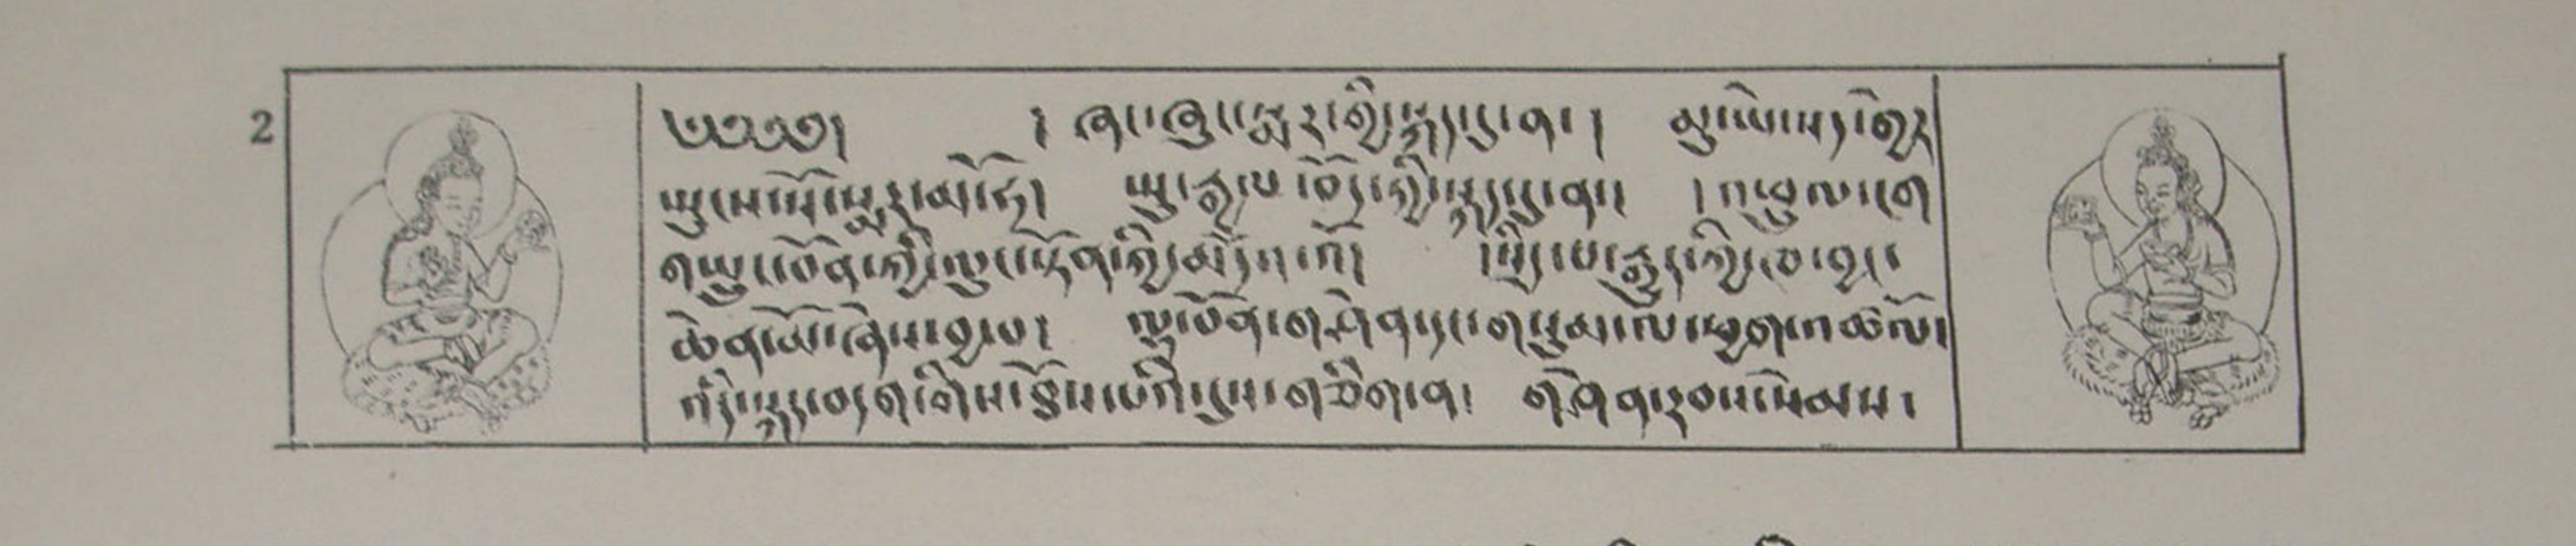༄༅། །ཞང་ཞུང་སྨར་གྱི་སྐད་དུ་ན། མུ་ཡེ་སད་གྱེར་
སྤུངས་སོ་སྨར་མ་ཧོ། སྤུ་རྒྱལ་བོད་ཀྱི་སྐད་དུ་ན། འཕྲུལ་ངག་
གཡུང་དྲུང་བོན་གྱི་ལུང་སྟོན་ཀྱི་མདོའ་འོ། །སྲིད་པ་རྒྱུད་ཀྱི་ཁ་བྱང་
ཆེན་མོ་ཞེས་བྱ་བ། ལྷ་བོན་གཤེན་དང་གསུམ་ལ་ཕྱག་འཚལ་ལོ། 
།འདི་སྐད་བདག་གིས་ཐོས་པའི་དུས་གཅིག་ན། གཤེན་རབ་སེམས་